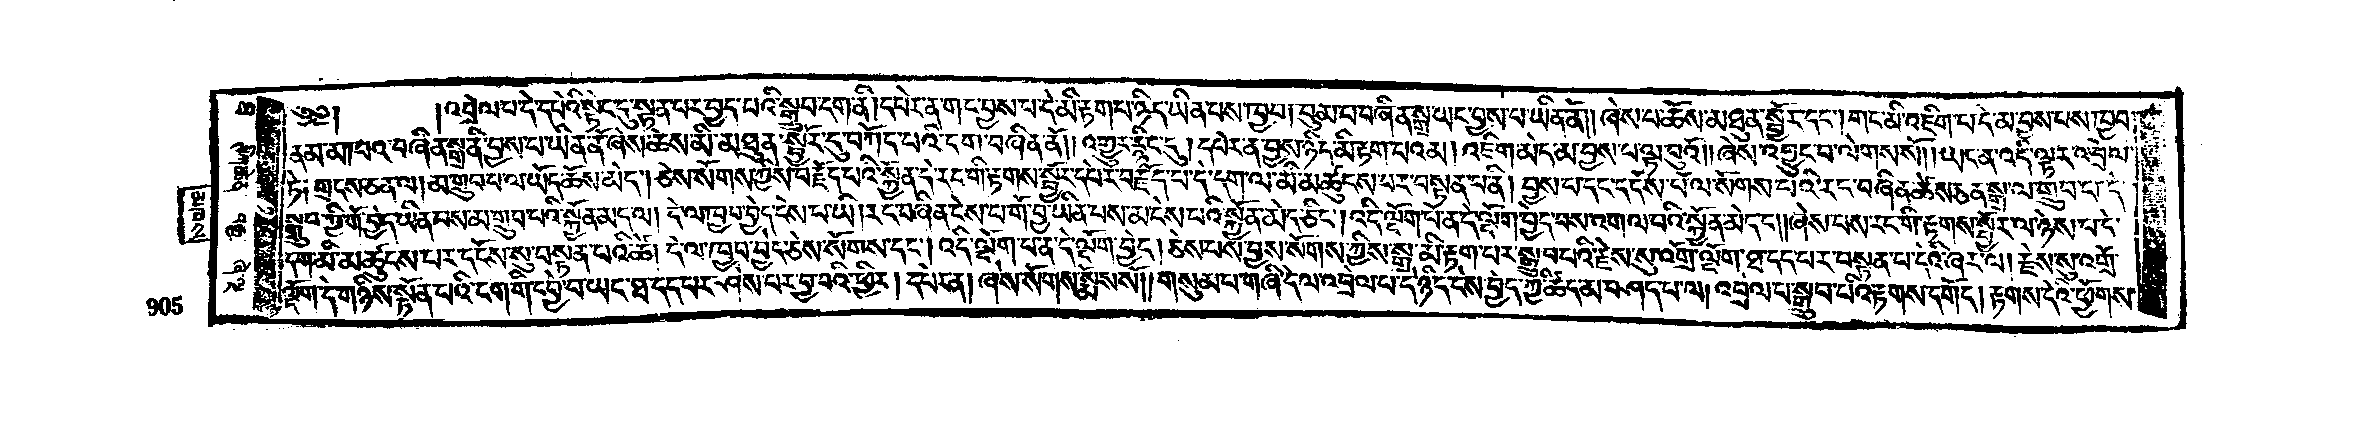༄༅། །འབྲེལ་པ་དེ་དཔེའི་སྟེང་དུ་སྟན་པར་བྱེད་པའི་སྒྲུབ་ངག་ནི། དཔེར་ན་གང་བྱས་པ་དེ་མི་རྟག་པ་ཉིད་ཡིན་པས་ཁྱབ། བུམ་པ་བཞིན་སྒྲ་ཡང་བྱས་པ་ཡིན་ནོ། །ཞེས་པ་ཆོས་མཐུན་སྦྱོར་དང་། གང་མི་འཇིག་པ་དེ་མ་བྱས་པས་ཁྱབ་
ནམ་མཁའ་བཞིན་སྒྲ་ནི་བྱས་པ་ཡིན་ནོ་ཞེས་ཆོས་མི་མཐུན་སྦྱོར་དུ་བཀོད་པའི་ངག་བཞིན་ནོ། །འགྱུར་རྙིང་དུ། དཔེར་ན་བྱས་ཉིད་མི་རྟག་པའམ། འཇིག་མེད་མ་བྱས་པ་ལྟ་བུའོ། །ཞེས་འབྱུང་བ་ལེགས་སོ། །ཡང་ན་འདི་ལྟར་འབྲེལ་
ཏེ། གྲངས་ཅན་ལ། མ་གྲུབ་པ་ལ་ཡོད་ཆོས་མེད། ཅེས་སོགས་ཀྱིས་བརྗོད་པའི་སྐྱོན་དེ་རང་གི་རྟགས་སྦྱོར་དཔེར་བརྗོད་པ་དེ་དག་ལ་མི་མཚུངས་པར་བསྟན་པ་ནི། བྱས་པ་དང་དངོས་པོ་ལ་སོགས་པའི་རང་བཞིན་ཆོས་ཅན་སྒྲ་ལ་གྲུབ་པ་དེ་
སྒྲུབ་ཀྱི་གོ་བྱེད་ཡིན་པས་མ་གྲུབ་པའི་སྐྱོན་མེད་ལ། དེ་ལ་ཁྱབ་བྱེད་ངེས་པ་ཡི། རང་བཞིན་ངེས་པ་གོ་བྱ་ཡིན་པས་མ་ངེས་པའི་སྐྱོན་མེད་ཅིང་། འདི་ལྡོག་པ་ན་དེ་ལྡོག་བྱེད་པས་འགལ་བའི་སྐྱོན་མེད་པ། །ཞེས་པས་རང་གི་རྟགས་སྦྱོར་ལ་ཉེས་པ་དེ་
དག་མི་མཚུངས་པར་དངོས་སུ་བསྟན་པའི་ཚེ། དེ་ལ་ཁྱབ་བྱེད་ཅེས་སོགས་དང་། འདི་ལྡོག་པ་ནི་དེ་ལྡོག་བྱེད། ཅེས་པས་བྱས་སོགས་ཀྱིས་སྒྲ་མི་རྟག་པར་སྒྲུབ་པའི་རྗེས་སུ་འགྲོ་ལྡོག་ཐ་དད་པར་བསྟན་པ་དེའི་ཞར་ལ། རྗེས་སུ་འགྲོ་
ལྡོག་དེ་གཉིས་སྟོན་པའི་ངག་གི་དབྱེ་བ་ཡང་ཐ་དད་པར་ཤེས་པར་བྱ་བའི་ཕྱིར། དཔེར་ན། ཞེས་སོགས་སྨོས་སོ། །གསུམ་པ་བཞི་དེ་ལ་འབྲེལ་པ་དེ་ཉིད་ངེས་བྱེད་ཀྱི་ཚད་མ་བཤད་པ་ལ། འབྲེལ་པ་སྒྲུབ་པའི་རྟགས་དགོད། རྟགས་དེའི་ཕྱོགས་